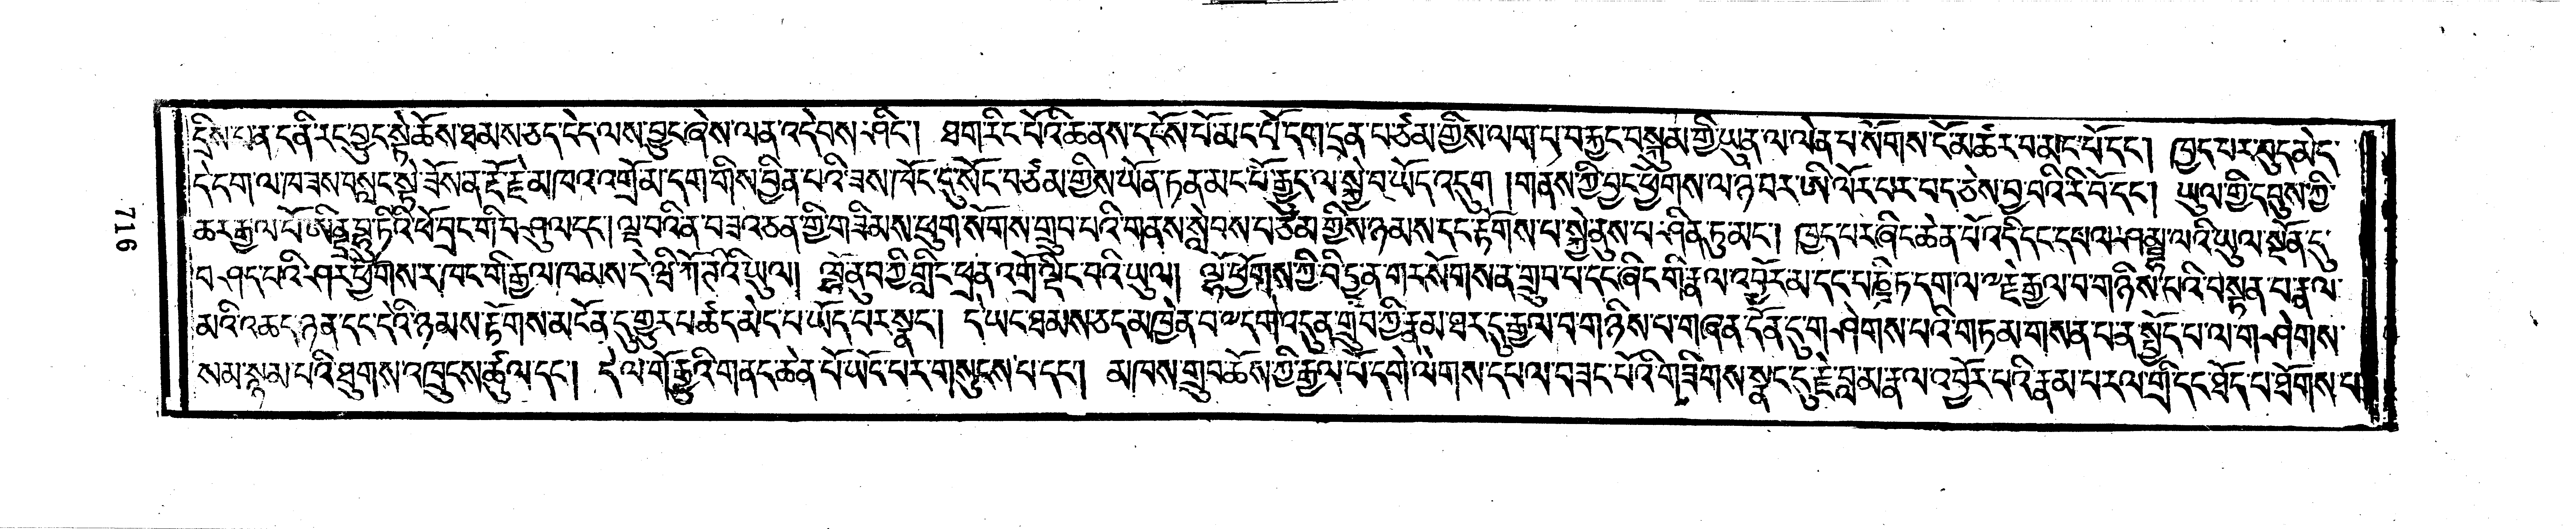དྲིས་པ་ན་ད་ནི་རང་བྱུང་སྟེ་ཆོས་ཐམས་ཅད་ངེད་ལས་བྱུང་ཞེས་ལན་འདེབས་ཤིང་། ཐག་རིང་པོའི་ཆ་ནས་དངོས་པོ་མང་པོ་དག་དྲན་པ་ཙམ་གྱིས་ལག་པ་བརྐྱང་བསྐུམ་གྱི་ཡུན་ལ་ལེན་པ་སོགས་ངོ་མཚར་པ་མང་པོ་དང་། ཁྱད་པར་བུད་མེད་
དེ་དག་ལ་ཁ་ཟས་བསླང་སྟེ་ཟོས་ན་རྡོ་རྗེ་མཁའ་འགྲོ་མ་དག་གིས་བྱིན་པའི་ཟས་ཁོང་དུ་སོང་བ་ཙམ་གྱིས་ཡོན་ཏན་མང་པོ་རྒྱུད་ལ་སྐྱེ་བ་ཡོད་འདུག །གནས་ཀྱི་བྱང་ཕྱོགས་ལ་ཉ་བར་ཨི་ལོར་པར་བད་ཅེས་བྱ་བའི་རི་བོ་དང་། ཡུལ་གྱི་དབུས་ཀྱི་
ཆར་རྒྱ་ལ་པོ་ཨིནྡྲ་བྷུ་ཏིའི་ཕོ་བྲང་གི་བཤུལ་དང་། ལྔ་བའི་ན་བཟའ་ཅན་གྱི་གཟིམས་ཕུག་སོགས་གྲུབ་པའི་གནས་སླེབས་བ་ཙམ་གྱིས་ཉམས་དང་རྟོགས་པ་སྐྱེ་ནུས་པ་ཤིན་ཏུ་མང་། ཁྱད་པར་ཞིང་ཆེན་པོ་འདི་དང་དཔལ་ཤམྦྷ་ལའི་ཡུལ་སྔོན་དུ་
བཤད་པའི་ཤར་ཕྱོགས་ར་ཁང་གི་རྒྱལ་ཁམས་དེ་ཝི་ཀོ་ཊིའི་ཡུལ། ལྷོ་ནུབ་ཀྱི་གླིང་ཕྲན་འགྲོ་ལྡིང་བའི་ཡུལ། ལྷོ་ཕྱོགས་ཀྱི་བི་དྱཱ་ན་གར་སོགས་ན་གྲུབ་པ་དང་ཞིང་གི་རྣལ་འབྱོར་མ་དང་པཎྜི་ཏ་དག་ལ ༧རྗེ་རྒྱལ་བ་གཉིས་པའི་བསྟན་པ་རྣལ་
མའི་འཆད་ཉན་དང་དེའི་ཉམས་རྟོགས་མངོན་དུ་གྱུར་པ་ཚད་མེད་པ་ཡོད་པར་སྣང་། དེ་ཡང་ཐམས་ཅད་མཁྱེན་བ ༧དགེ་འདུན་གྲུབ་ཀྱི་རྣམ་ཐར་དུ་རྒྱལ་བ་གཉིས་པ་གཞན་དོན་དུ་གཤེགས་པའི་གཏམ་གསན་པ་ན་སྤྱོད་པ་ལ་གཤེགས་
སམ་སྙམ་པའི་ཐུགས་འཁྲུངས་ཚུལ་དང་། དེ་ལ་གོ་རྒྱུའི་གནང་ཆེན་པོ་ཡོང་པར་གསུངས་པ་དང་། མཁས་གྲུབ་ཆོས་ཀྱི་རྒྱལ་པོ་དགེ་ལེགས་དཔལ་བཟང་པོའི་གཟིགས་སྣང་དུ་རྗེ་བླ་མ་རྣལ་འབྱོར་པའི་རྣམ་པར་ལ་གྲི་དང་ཐོད་པ་ཐོགས་པ་